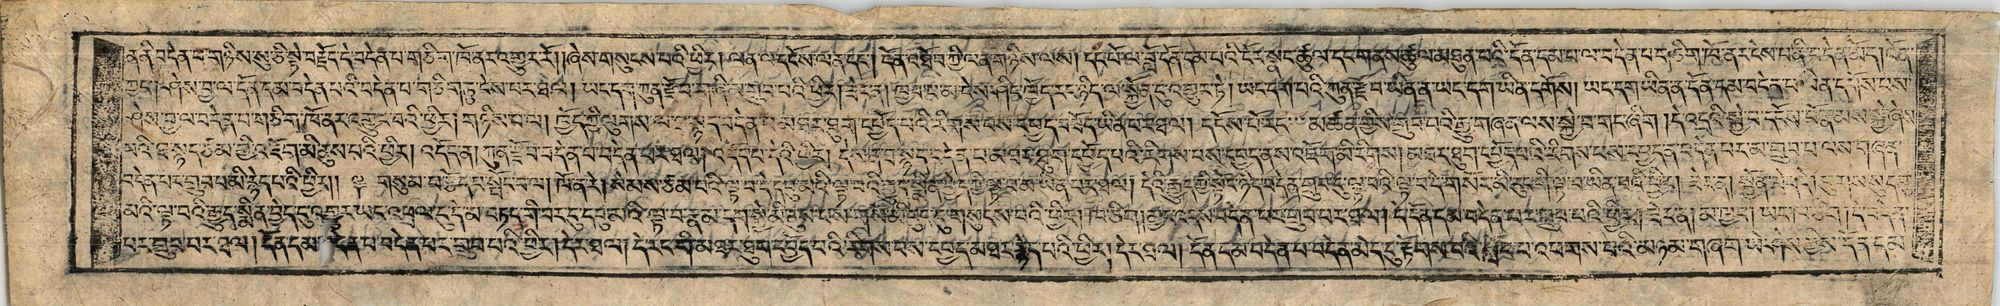ན་ནི་བདེན་པ་གཉིས་སུ་ཅི་སྟེ་བརྗོད་དེ་བདེན་པ་གཅིག་ཁོ་ནར་འགྱུར་རོ། །ཞེས་གསུངས་པའི་ཕྱིར། ལན་ལ་དངོས་ལན་དང་། དོན་འཐོབ་ཀྱི་ལན་གཉིས་ལས། དང་པོ་ལ་བློ་དོན་དམ་པའི་ངོར་སྣང་ཚུལ་དང་གནས་ཚུལ་མཐུན་པའི་དོན་དམ་པ་ལ་བདེན་པ་གཅིག་ཁོ་ནར་ངེས་པ་ནི་བདེན་མོད། འོན་
ཀྱང་། ཤེས་བྱ་ལ་དོན་དམ་བདེན་པའི་བདེན་པ་གཅིག་ཏུ་ངེས་པར་ཐལ། ཡང་དག་ཀུན་རྫོབ་གཞི་མ་གྲུབ་པའི་ཕྱིར། ཟེར་ན། ཁྱབ་པ་མ་ངེས་ཤིང་ཁྱོད་རང་ཉིད་ལ་སྐྱོན་དུ་འགྱུར་ཏེ། ཡང་དག་པའི་ཀུན་རྫོབ་ཡིན་ན་ཡང་དག་ཡིན་དགོས། ཡང་དག་ཡིན་ན་དོན་དམ་བདེན་པ་ཡིན་དགོས་པས་
ཤེས་བྱ་ལ་བདེན་པ་གཅིག་ཁོ་ནར་འགྱུར་བའི་ཕྱིར། གཉིས་པ་ལ། ཁྱོད་ཀྱི་ལུགས་ལ་ཐ་སྙད་བདེན་པ་མཐར་ཐུག་དཔྱོད་པའི་རིགས་པས་དཔྱད་བཟོད་ཡིན་པར་ཐལ། དངོས་པོ་རང་མཚན་གྱིས་གྲུབ་པའི་རྒྱུ་གཞན་ལས་སྐྱེ་བ་གང་ཞིག ། དེ་འདྲའི་སྐྱེ་བ་དངོས་པོ་རྣམས་སྐྱེ་ཞེས་
པའི་ཐ་སྙད་ཙམ་གྱི་འཇོག་མི་ནུས་པའི་ཕྱིར། འདོད་ན། ཀུན་རྫོབ་བདེན་པ་བདེན་པར་ཐལ། འདོད་པ་དེའི་ཕྱིར། དེས་ན་ཐ་སྙད་བདེན་པ་མཐར་ཐུག་དཔྱོད་པའི་རིགས་པས་དཔྱད་ནས་འཇོག་མི་རིགས། མཐར་ཐུག་དཔྱོད་པའི་རིགས་པས་དཔྱད་ན་བདེན་པར་མ་གྲུབ་པ་ལས་གཞན་
བདེན་པར་གྲུབ་པ་མི་རྙེད་པའི་ཕྱིར།། ༈ གསུམ་པ་རྩོད་པ་སྤོང་བ་ལ། ཁོ་ན་རེ། སེམས་ཙམ་པའི་ལྟ་བ་དེ་དབུ་མའི་ལྟ་བའི་རྒྱུད་སྨིན་བྱེད་ཀྱི་ལྟ་བ་མ་ཡིན་པར་ཐལ། དེའི་རྒྱུད་ཀྱི་སྟོང་ཉིད་བདེན་གྲུབ་དུ་ལྟ་བའི་ལྟ་བ་དེ་གསོརྨི་རུང་གི་ལྟ་བ་ཡིན་པའི་ཕྱིར། ཟེར་ན། སྐྱོན་མེད་དེ། ཕུགས་སུ་དབུ་
མའི་ལྟ་བའི་རྒྱུད་སྨིན་བྱེད་དུ་འགྱུར་ཡང་འཕྲལ་དུ་དེ་མ་བཏང་གི་བར་དུ་དབུ་མའི་ལྟ་བ་རྣམ་དག་སྐྱེ་མི་ནུས་པས་གསོ་མི་རུང་དུ་གསུངས་པའི་ཕྱིར། ཁ་ཅིག ། མྱང་འདས་བདེན་པར་གྲུབ་པར་ཐལ། དེ་དོན་དམ་བདེན་པར་གྲུབ་པའི་ཕྱིར། ཟེར་ན། མ་ཁྱབ། ཡང་ཁ་ཅིག ། དེ་བདེན་
པར་གྲུབ་པར་ཐལ། དོན་དམ་བདེན་པ་བདེན་པར་གྲུབ་པའི་ཕྱིར། དེར་ཐལ། དེ་རང་གི་མཐར་ཐུག་དཔྱོད་པའི་རིགས་པས་དཔྱད་མཐར་བརྙེདཔའི་ཕྱིར། དེར་ཐལ། དོན་དམ་བདེན་པ་བདེན་མེད་དུ་རྟོགས་པའི་སློབ་པ་འཕགས་པའི་མཉམ་གཞག་ཡེ་ཤེས་ཀྱིས་དོན་དམ་